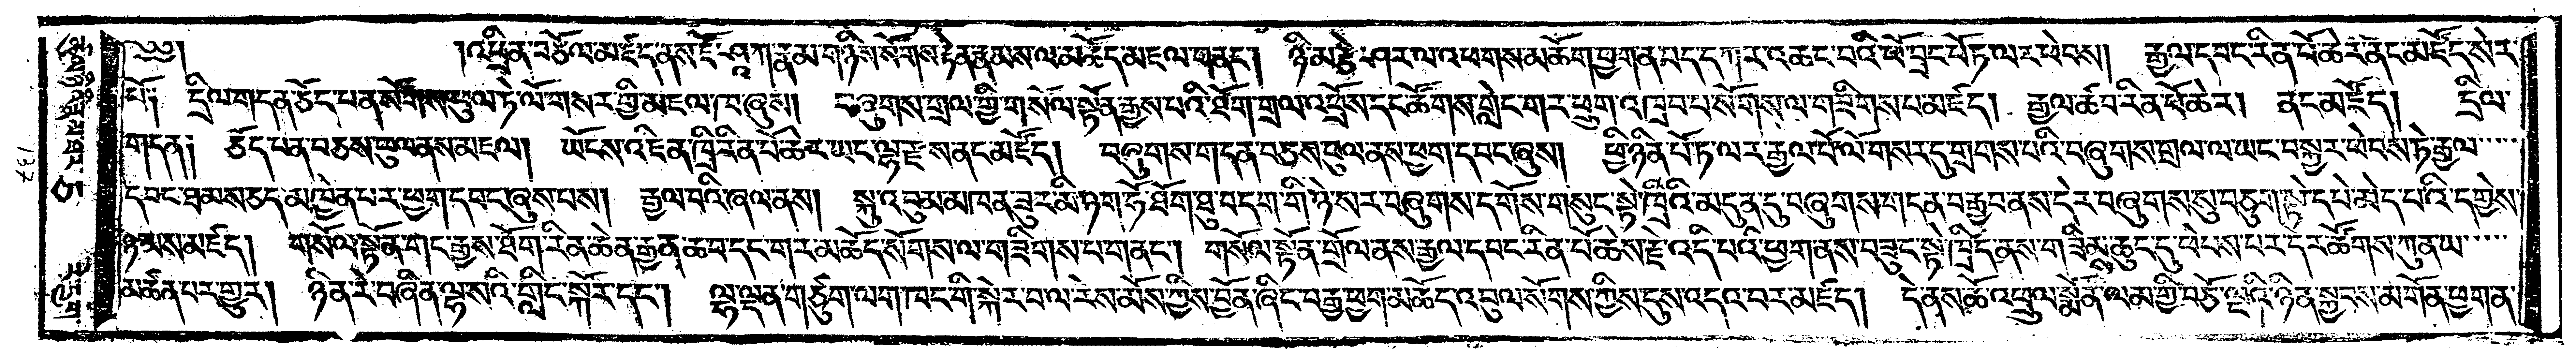༄༅། །འཕྲིན་བཅོལ་མཛད་ནས་ཇོ་ཤཱཀ་རྣམ་གཉིས་སོགས་རྟེན་རྣམས་ལ་མཆོད་མཇལ་གནང་། ཉི་མ་རྩེ་ཤར་ལ་འཕགས་མཆོག་ཕྱག་ན་བད་དཀར་འཆང་བའི་ཕོ་བྲང་པོ་ཏ་ལར་ཕེབས། རྒྱལ་དབང་རིན་པོ་ཆེར་ནང་མཛོད་སེར་
པོ༑ དྲིལ་བདན་ཅོད་བན་སོགས་ཕུལ་ཏེ་ལོ་གསར་གྱི་མཇལ་ཁ་ཞུས། བཞུགས་གྲལ་གྱི་གསོལ་སྟོན་རྒྱས་པའི་ཐོག་གྲལ་འཕྲོས་དང་ཚོགས་གླེང་གར་ཕྲུག་འཁྲབ་པ་སོགས་ལ་གཟིགས་པ་མཛད། རྒྱལ་ཚབ་རིན་པོ་ཆེར། ནང་མཛོད། དྲིལ་
གདན༑ ཅོད་པན་བཅས་ཕུལ་ནས་མཇལ། ཡོངས་འཛིན་ཁྲི་རིན་པོ་ཆེར་ཡང་ལྷ་རྫས་ནང་མཛོད། བཞུགས་གདན་བཅས་ཕུལ་ནས་ཕྱག་དབང་ཞུས། ཕྱི་ཉིན་པོ་ཏ་ལར་རྒྱལ་པོ་ལོ་གསར་དུ་གྲགས་པའི་བཞུགས་གྲལ་ལ་ཡང་བསྐྱར་ཕེབས་ཏེ་རྒྱལ་
དབང་ཐམས་ཅད་མཁྱེན་པར་ཕྱག་དབང་ཞུས་པས། རྒྱལ་བའི་ཞལ་ནས། སྐུ་འབུམ་མཁན་ཟུར་མི་ཉག་ཧོ་ཐོག་ཐུ་བདག་གི་ཉེ་སར་བཞུགས་དགོས་གསུང་སྟེ་ཁྲིའི་མདུན་དུ་བཞུགས་གདན་བརྒྱབ་ནས་དེར་བཞུགས་སུ་བཅུག་སྟེ་དཔེ་མེད་པའི་དགྱེས་
ཉམས་མཛད། གསོལ་སྟོན་གང་རྒྱས་ཐོག་རིན་ཆེན་རྒྱན་ཆ་བ་དང་གར་མཆོད་སོགས་ལ་གཟིགས་པ་གནང་། གསོལ་སྟོན་གྲོལ་ནས་རྒྱལ་དབང་རིན་པོ་ཆེས་རྗེ་འདི་པའི་ཕྱག་ནས་བཟུང་སྟེ་ཁྲིད་ནས་གཟིམས་ཆུང་དུ་ཕེབས་པར་དེར་ཚོགས་ཀུན་ཡ་
མཚན་པར་གྱུར། ཉིན་རེ་བཞིན་ལྷ་སའི་གླིང་སྐོར་དང་། ལྷ་ལྡན་གཙུག་ལག་ཁང་གི་སྐོར་བ་ལ་རེས་མོས་ཀྱིས་བྱོན་ཞིང་བརྒྱ་ཕྱག་མཆོད་འབུལ་སོགས་ཀྱིས་དུས་འདའ་བར་མཛད། དེ་ནས་ཆོ་འཕྲུལ་སྨོན་ལམ་གྱི་བཅོ་ལྔའི་ཉིན་སྐྱབས་མགོན་ཕྱག་ན་